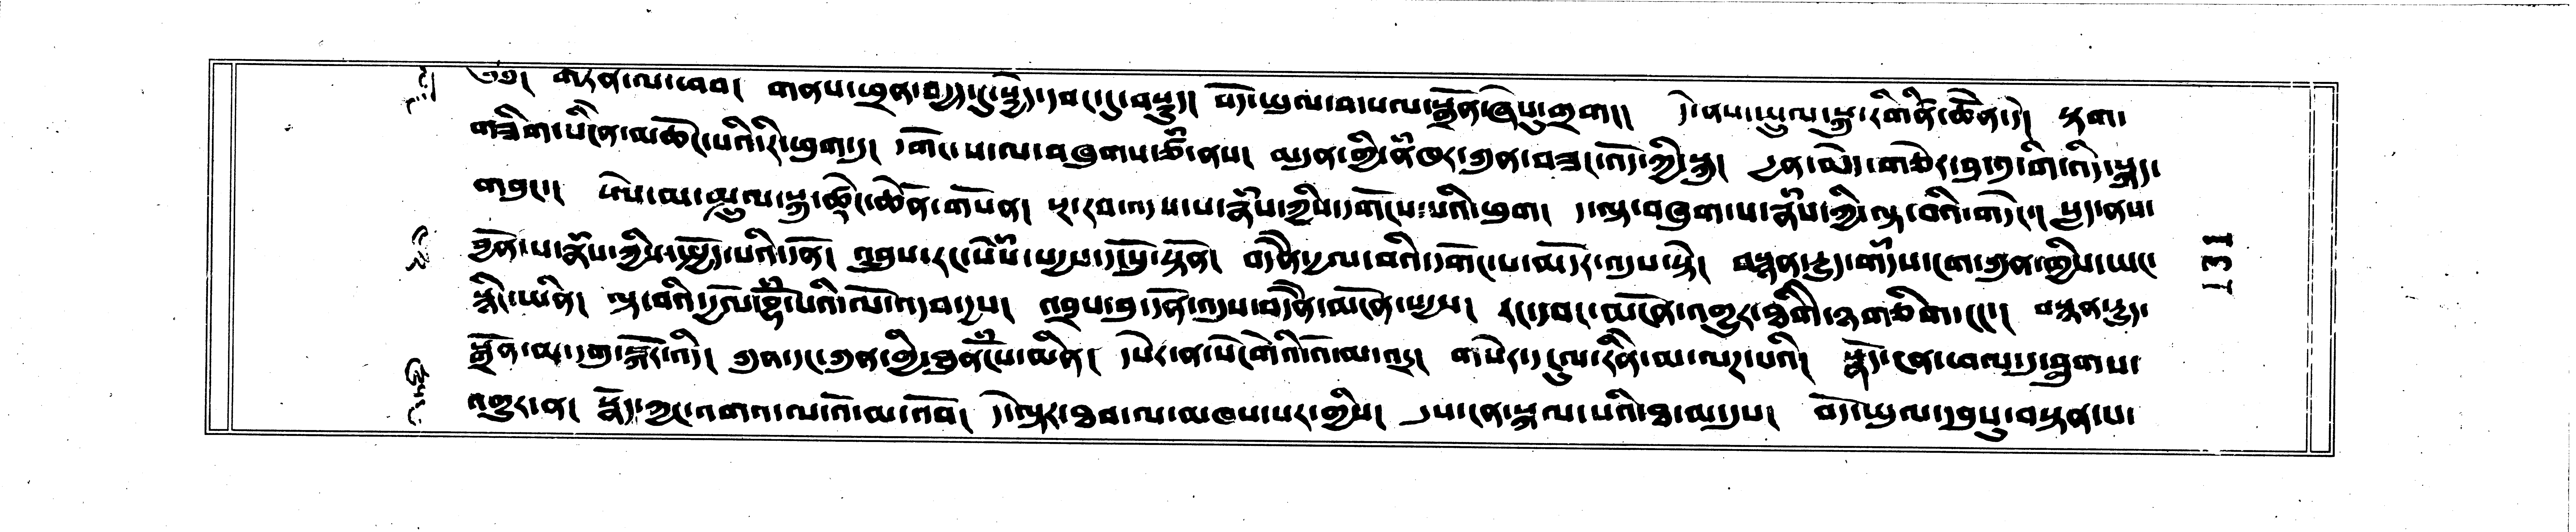གཏན་ལ་ཕབ། གནས་ཕྲན་བརྒྱད་དུ་སྡེ་བརྒྱད་དབང་དུ་སྡུད། བོད་ཡུལ་གསལ་སྒྲོན་ཞེས་སུ་གྲགས། དེ་ནས་སྤྲུལ་སྐུ་རིག་འཛིན་ཆེན་པོ་དེ། སྟག་
གཟིག་སེང་ཆེན་མཆོང་བའི་རི་ཕུག་ཏུ། དགོངས་པ་ལ་བཞུགས་ཙམ་ན། མདུན་གྱི་ནམ་མཁར་ཀུན་བཟང་འོད་ཀྱི་སྐུ། རྒྱན་མེད་གཅེར་བུ་གཅིག་གིས་འདི་སྐད་
གསུངས། ཨེ་མ་སྤྲུལ་སྐུ་ཚེ་དབང་ཆེན་པོ་གསོན། སྔ་རབས་འདས་པ་རྣམས་ཀྱི་དགོངས་པའི་ཕུག ད་ལྟ་བཞུགས་པ་རྣམས་ཀྱི་ལྟ་བའི་གདེང་། སླད་ནས་
བྱོན་པ་རྣམས་ཀྱི་སྤྱོད་པའི་དོན། འབྲས་བུ་རང་སེམས་སངས་རྒྱས་དངོས་སུ་སྟོན། བདེ་ཆེན་རྒྱལ་པའི་དགོངས་པ་མདོར་བསྡུས་ཏེ། སྙན་རྒྱུད་གདམས་ངག་ཀུན་གྱི་ཡང་
སྙིང་ཡིན། ལྟ་བའི་རྒྱལ་པོ་སྒོམ་པའི་ལོ་འདབ་རྒྱས། འབྲས་བུ་དོན་འདུས་བདེ་ཆེན་མངོན་སངས་རྒྱས། རང་དབང་མངོན་གྱུར་ཐིག་ལེ་ཉག་གཅིག་ངང་། སྙན་རྒྱུད་
སྒྲོན་མ་དགུ་སྐོར་འདི། ཀུན་དང་ཀུན་གྱི་ཐུན་མོང་མིན། དཔེར་ན་སེང་གེའི་འོ་མ་འདྲ། གསེར་དངུལ་རིན་ཆེན་ལ་སོགས་པའི། སྣོད་ངན་ཕལ་དུ་བླུགས་
གྱུར་ན། སྣོད་ཀྱང་འགའ་ལ་འོ་མ་འབོ། དེ་ལྟར་ཐབས་ལ་མཁས་པར་གྱིས། དུས་ངན་བསྐལ་པའི་ཐ་མ་དུས། བོད་ཡུལ་དབུས་སུ་བསྟན་པ་